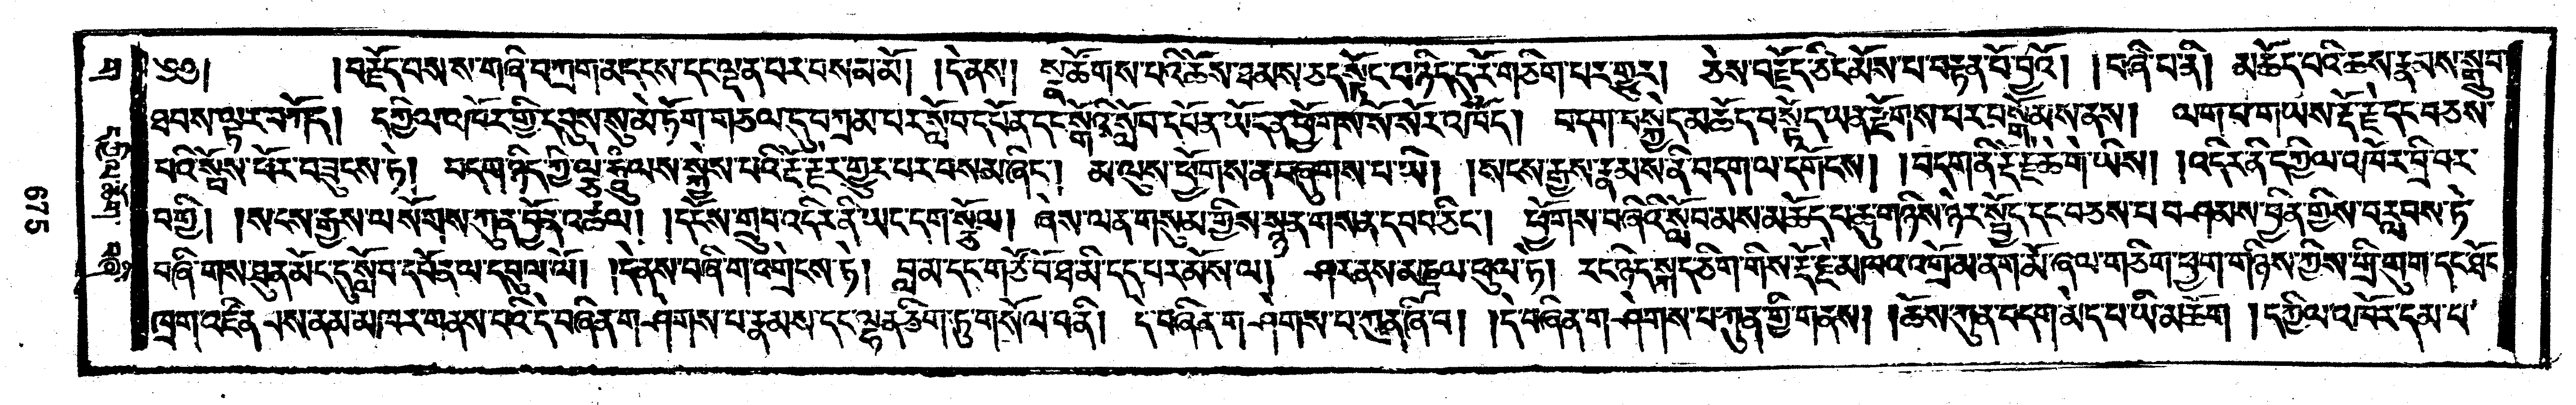༄༅། །བརྗོད་པས་ས་གཞི་བཀྲག་མདངས་དང་ལྡན་པར་བསམ་མོ། །དེ་ནས། སྣ་ཚོགས་པའི་ཆོས་ཐམས་ཅད་སྟོང་པ་ཉིད་དུ་རོ་གཅིག་པར་གྱུར། ཅེས་བརྗོད་ཅིང་མོས་པ་བརྟན་པོ་བྱའོ། །བཞི་པ་ནི། མཆོད་པའི་ཆས་རྣམས་སྒྲུབ་
ཐབས་ལྟར་བཀོད། དཀྱིལ་འཁོར་གྱི་དབུས་སུ་མེ་ཏོག་གཅལ་དུ་བཀྲམ་པར་སློབ་དཔོན་དང་སྒོའི་སློབ་དཔོན་ཡོད་ན་ཕྱོགས་སོ་སོར་འཁོད། བདག་བསྐྱེད་མཆོད་བསྟོད་ཡན་རྫོགས་པར་བསྒོམས་ནས། ལག་པ་གཡས་རྡོ་རྗེ་དང་བཅས་
པའི་སྤོས་པོར་བཟུངས་ཏེ། བདག་ཉིད་ཀྱི་ལྕེ་ཧཱུཾ་ལས་སྐྱེས་པའི་རྡོ་རྗེར་གྱུར་པར་བསམ་ཞིང་། མ་ལུས་ཕྱོགས་ན་བཞུགས་པ་ཡི། །སངས་རྒྱས་རྣམས་ནི་བདག་ལ་དགོངས། །བདག་ནི་རྡོ་རྗེ་ཆེ་གེ་ཡིས། །འདིར་ནི་དཀྱིལ་འཁོར་བྲི་བར་
བགྱི། །སངས་རྒྱས་ལ་སོགས་ཀུན་བྱོན་འཚལ། །དངོས་གྲུབ་འདིར་ནི་ཡང་དག་སྩོལ། ཞེས་ལན་གསུམ་གྱིས་སྙན་གསན་དབབ་ཅིང་། ཕྱོགས་བཞིའི་སློབ་མས་མཆོད་པ་ཆུ་གཉིས་ཉེར་སྤྱོད་དང་བཅས་པ་བཤམས་བྱིན་གྱིས་བརླབས་ཏེ་
བཞི་གས་ཐུན་མོང་དུ་སློབ་དཔོན་ལ་དབུལ་ལོ། །དེ་ནས་བཞི་ག་འགྲེངས་ཏེ། བླ་མ་དང་གཙོ་བོ་ཐ་མི་དད་པར་མོས་ལ། ཤར་ནས་མཎྜལ་ཕུལ་ཏེ། རང་ཉིད་སྐད་ཅིག་གིས་རྡོ་རྗེ་མཁའ་འགྲོ་མ་ནག་མོ་ཞལ་གཅིག་ཕྱག་གཉིས་ཀྱིས་གྲི་གུག་དང་ཐོང་
ཁྲག་འཛིན་པས་ནམ་མཁར་གནས་པའི་དེ་བཞིན་གཤེགས་པ་རྣམས་དང་ལྷན་ཅིག་ཏུ་གསོལ་བ་ནི། དེ་བཞིན་གཤེགས་པ་ཀུན་ཞི་བ། །དེ་བཞིན་གཤེགས་པ་ཀུན་གྱི་གནས། །ཆོས་ཀུན་བདག་མེད་པ་ཡི་མཆོག །དཀྱིལ་འཁོར་དམ་པ་